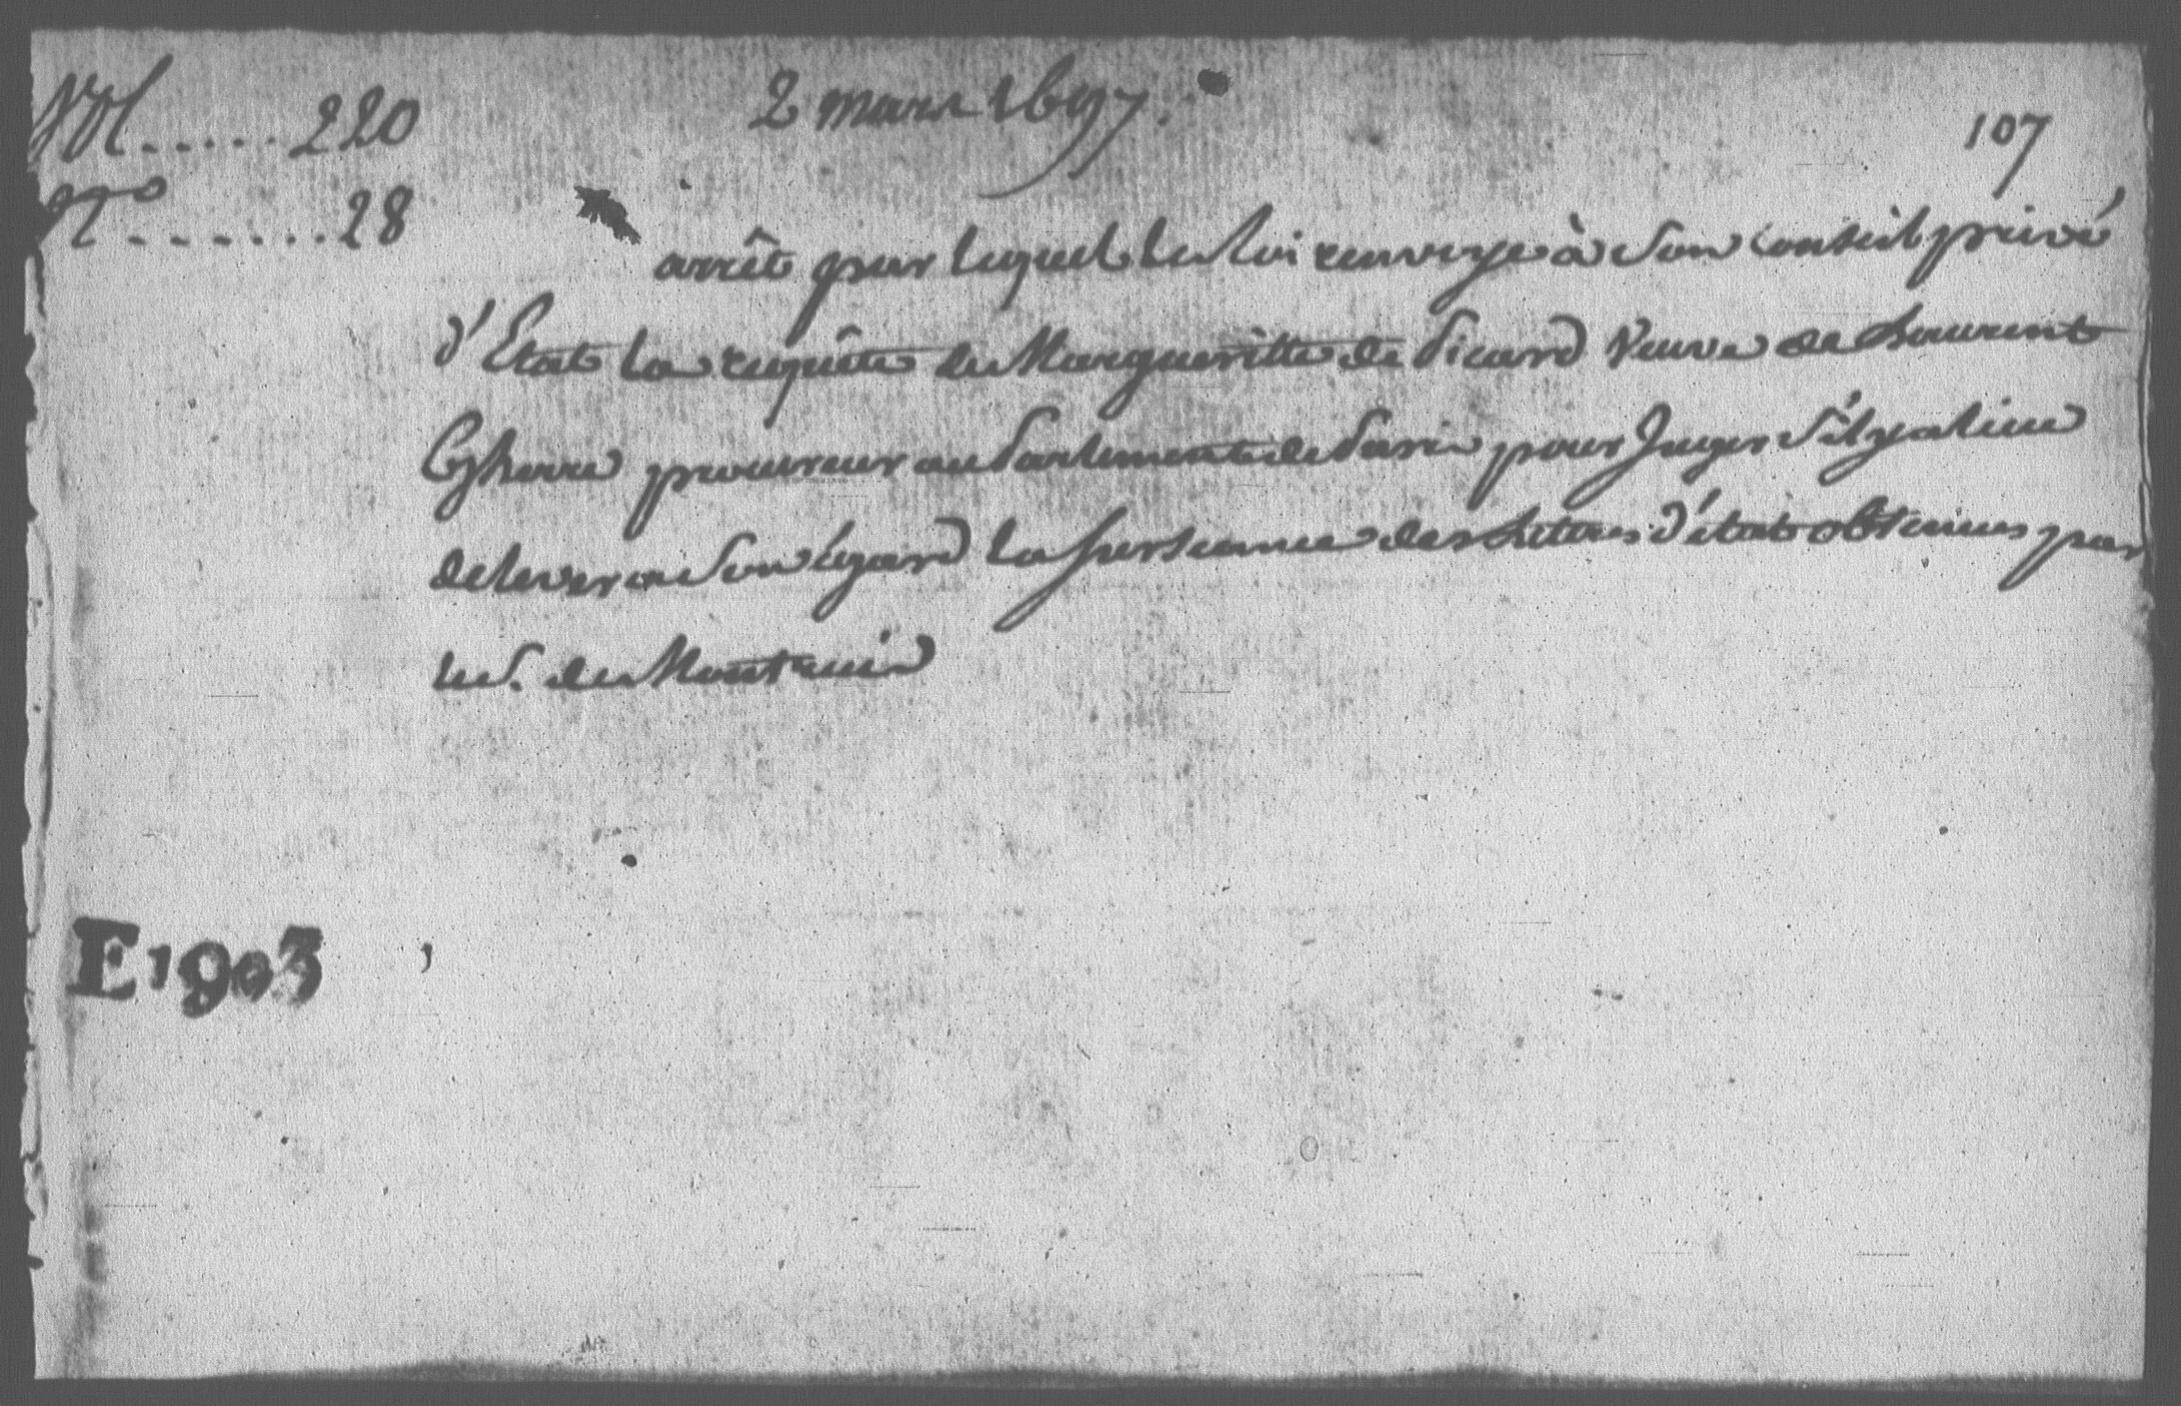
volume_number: n°28
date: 2 mars 1697
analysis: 107
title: Arrêt par lequel le Roi renvoye à son conseil privé d'Etat la requête de Margueritte de Picard Veuve de Laurent Gherre procureur au Parlement de Paris pour juger s'il y a lieu de lever a son égard la surseance des Lettres d'etat obtenues par le S. de Montruis
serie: E
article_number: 1903
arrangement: vol. 220
